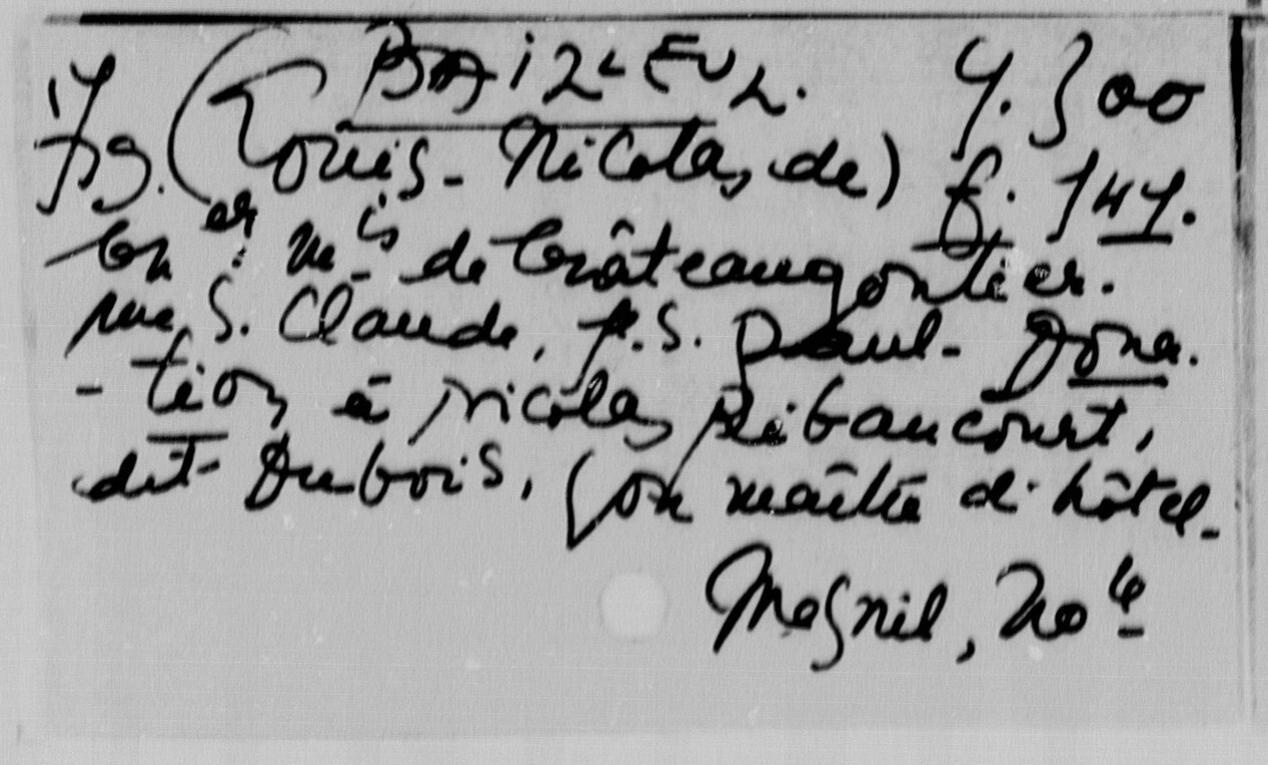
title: BAILLEUL (Louis-Nicolas de)
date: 1719
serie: Y
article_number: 300
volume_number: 141
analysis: Chevalier, marquis de Château-Gontier, Rue Saint-Claude, paroisse Saint-Paul Donation à Nicolas Ribaucourt, dit Dubois, son maître d'hôtel Mesnil, notaire
